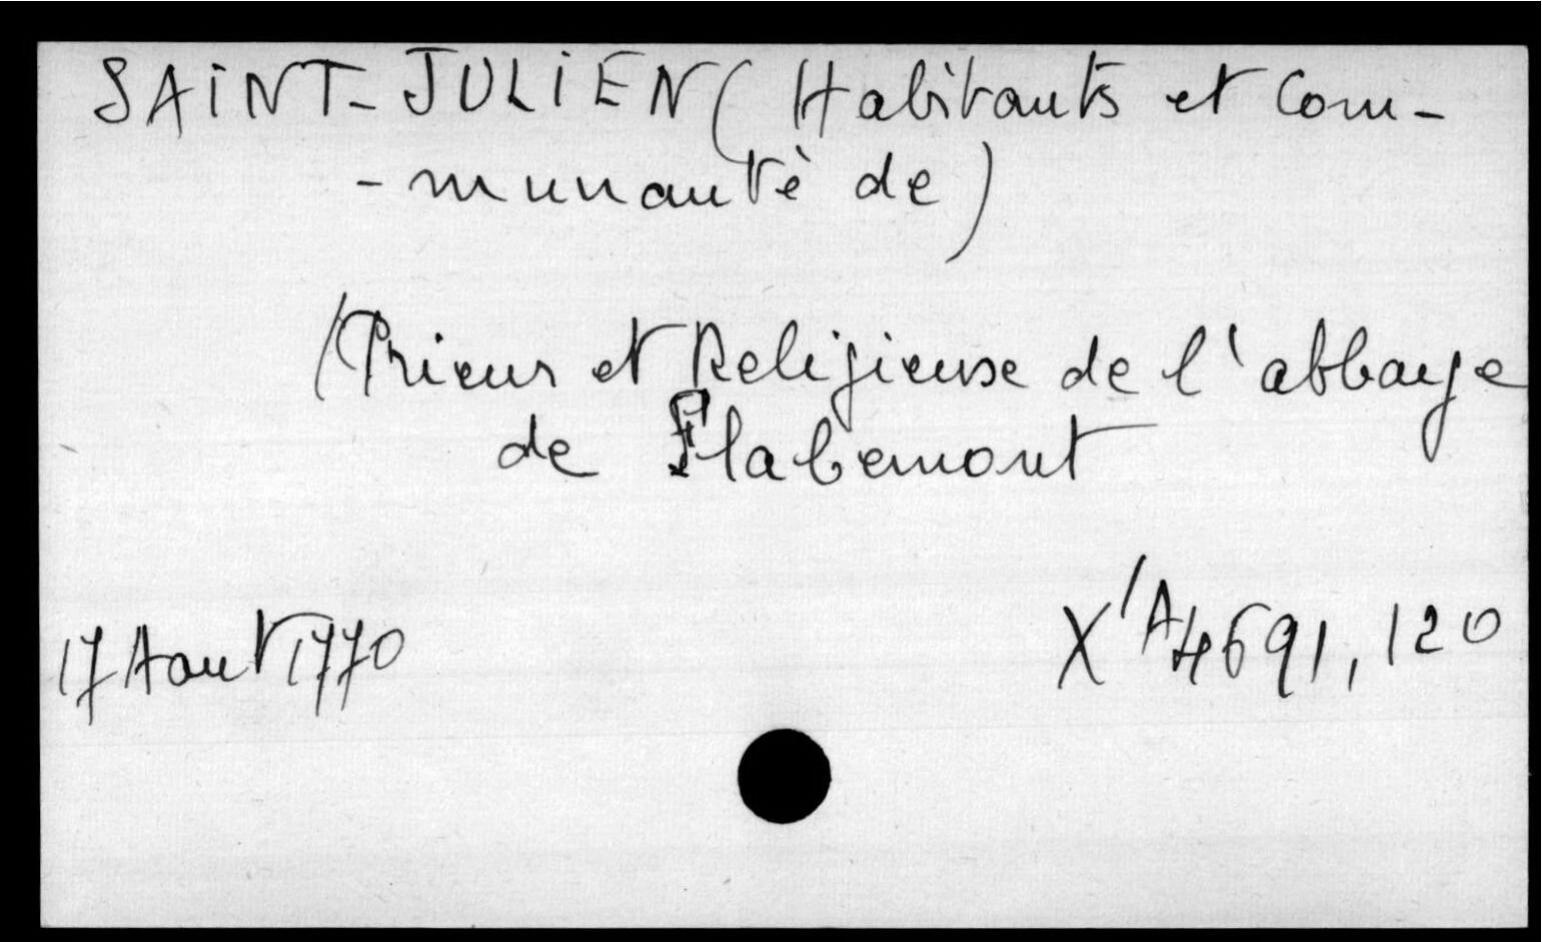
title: SAINT-JULIEN (Habitants et communauté de)
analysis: Contre Prieur et Religieuse de l'abbaye de Flabémont
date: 17 août 1770
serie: X1A
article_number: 4691
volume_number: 120
